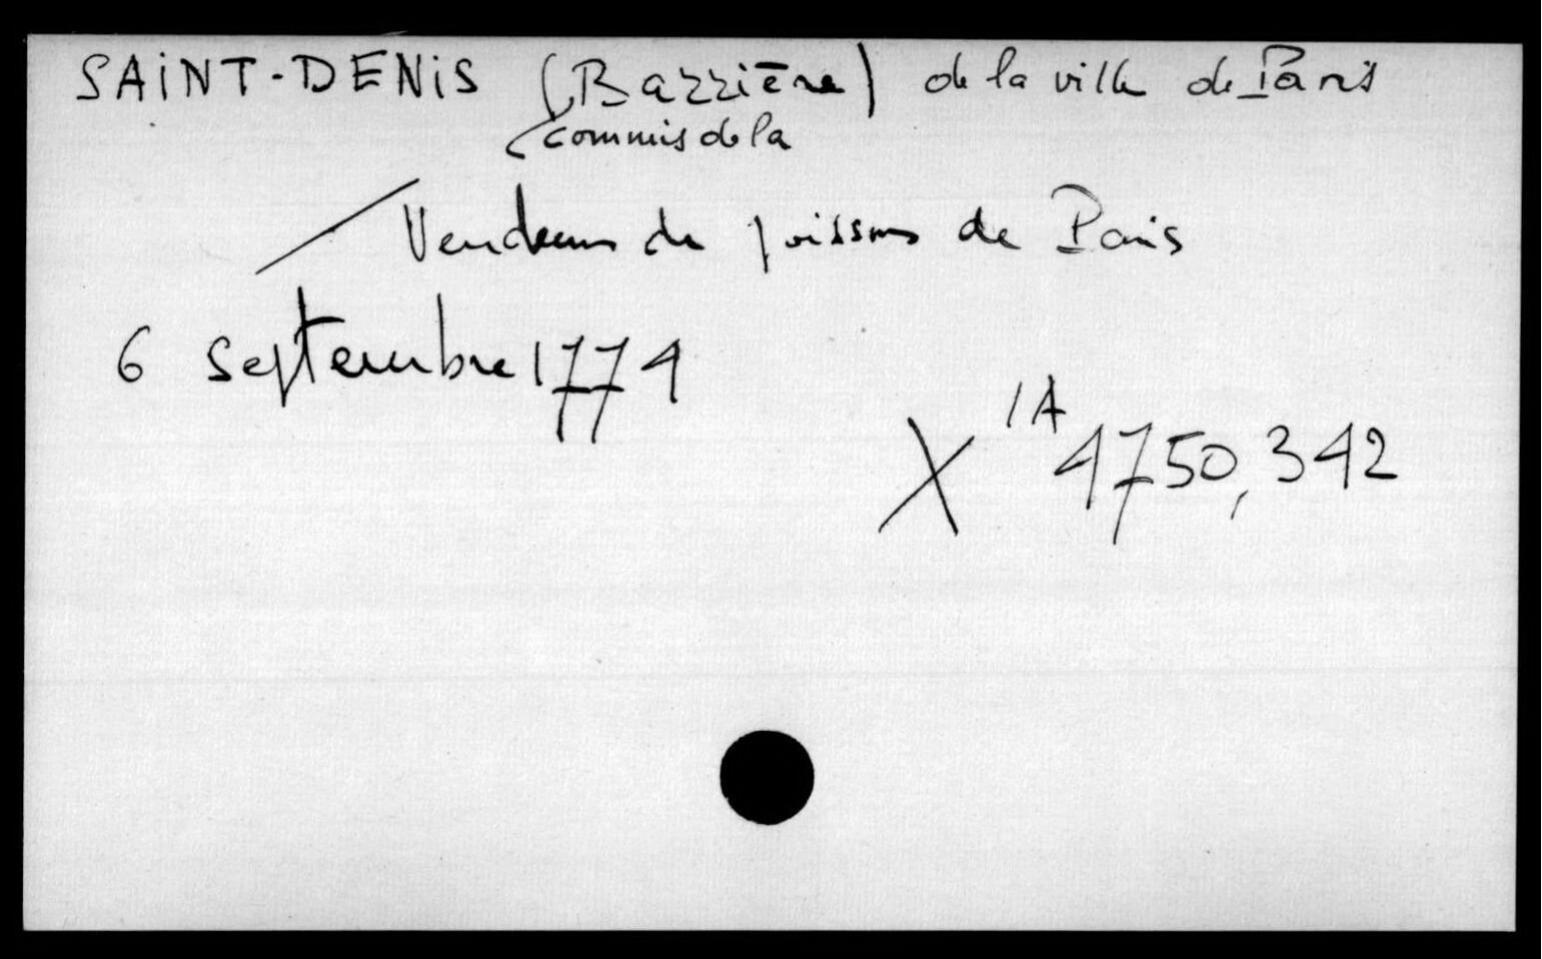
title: SAINT-DENIS (commis de la Barrière) de la ville de Paris
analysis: Contre Vendeur de poissons de Paris
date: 6 septembre 1774
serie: X1A
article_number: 4750
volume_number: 342
